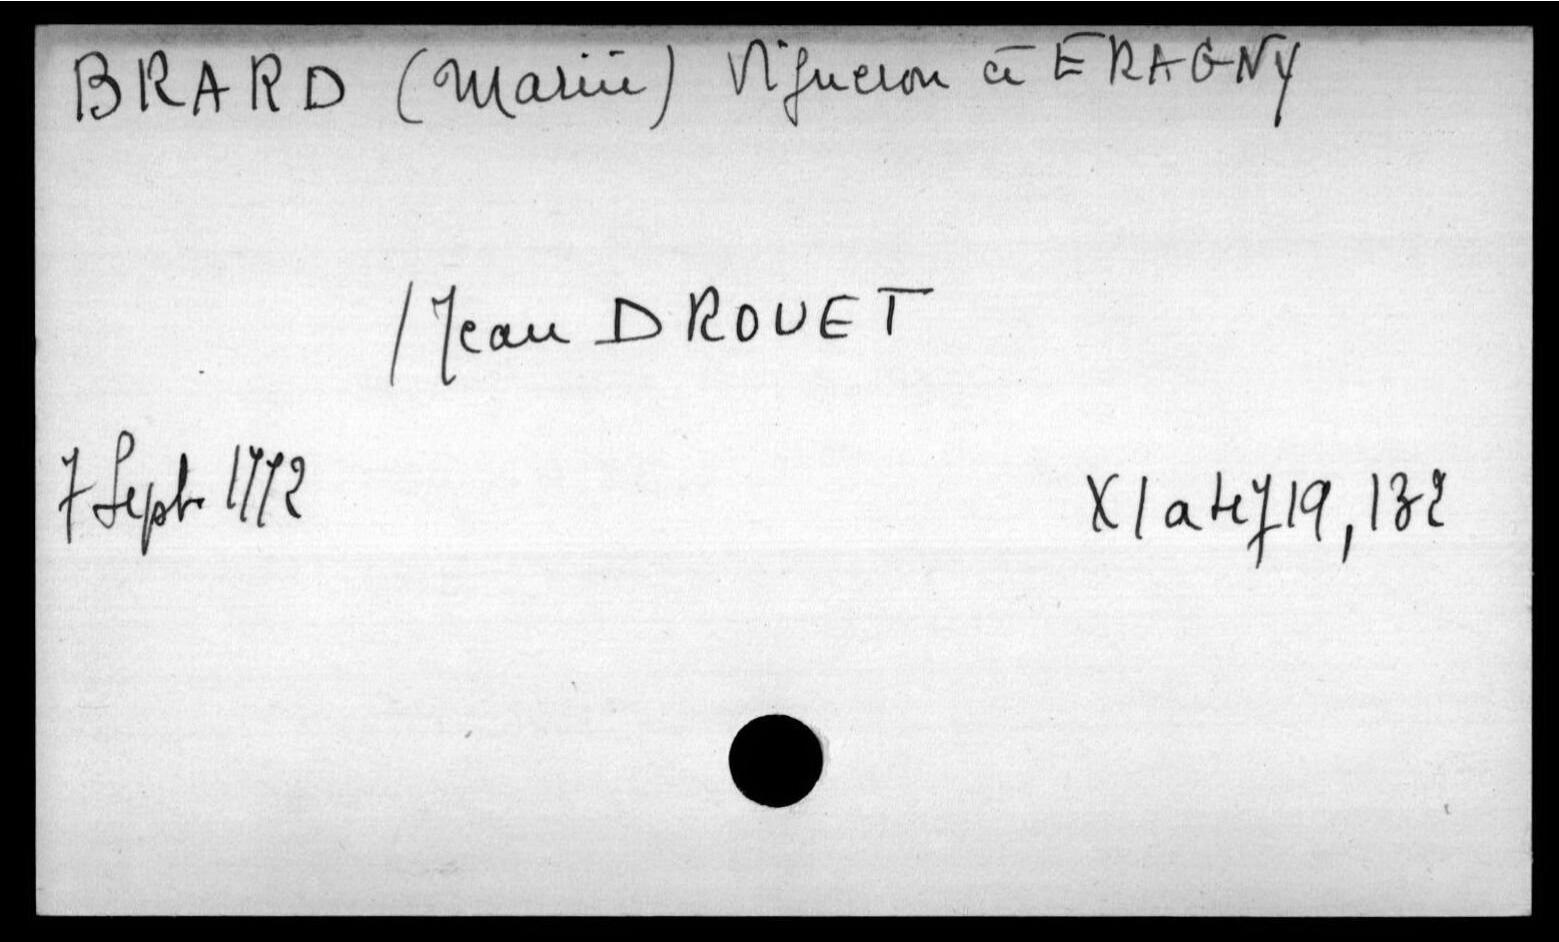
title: BRARD (Marin) Vigneron à ERAGNY
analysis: Contre Jean DROUET
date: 7 septembre 1772
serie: X1a
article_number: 4719
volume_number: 132
